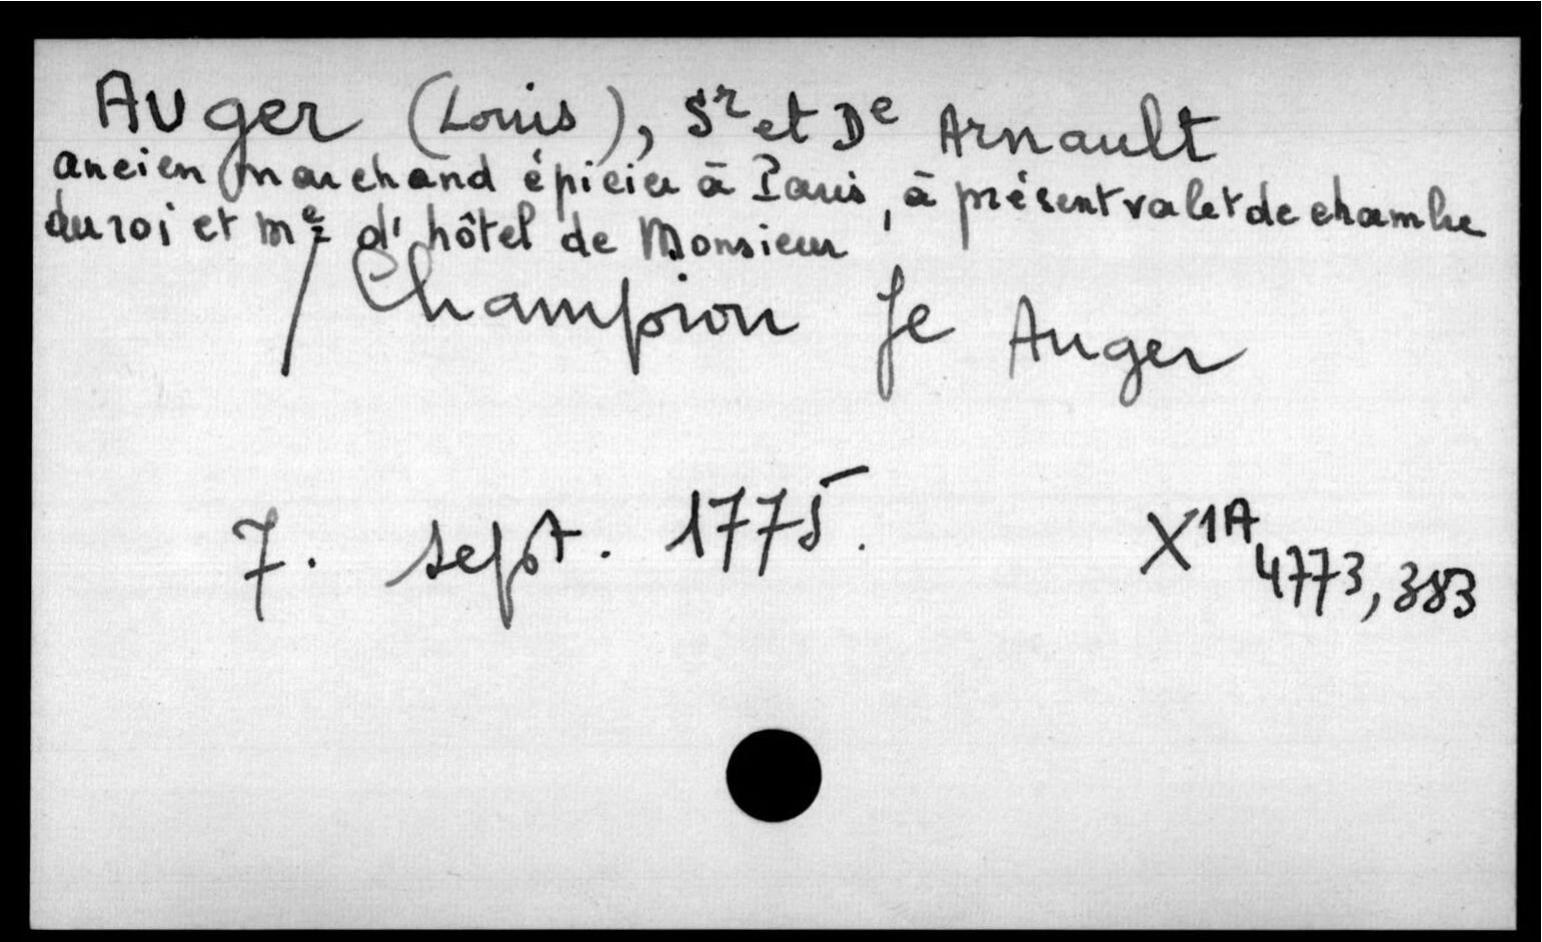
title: AUGER (Louis), Seigneur et Damoiselle Arnault ancien Marchand épicier à Paris, à présent valet de chambre du roi et maître d'hôtel de Monsieur
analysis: Contre Champion Je Auger
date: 7 septembre 1775
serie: X1A
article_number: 4773
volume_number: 383
